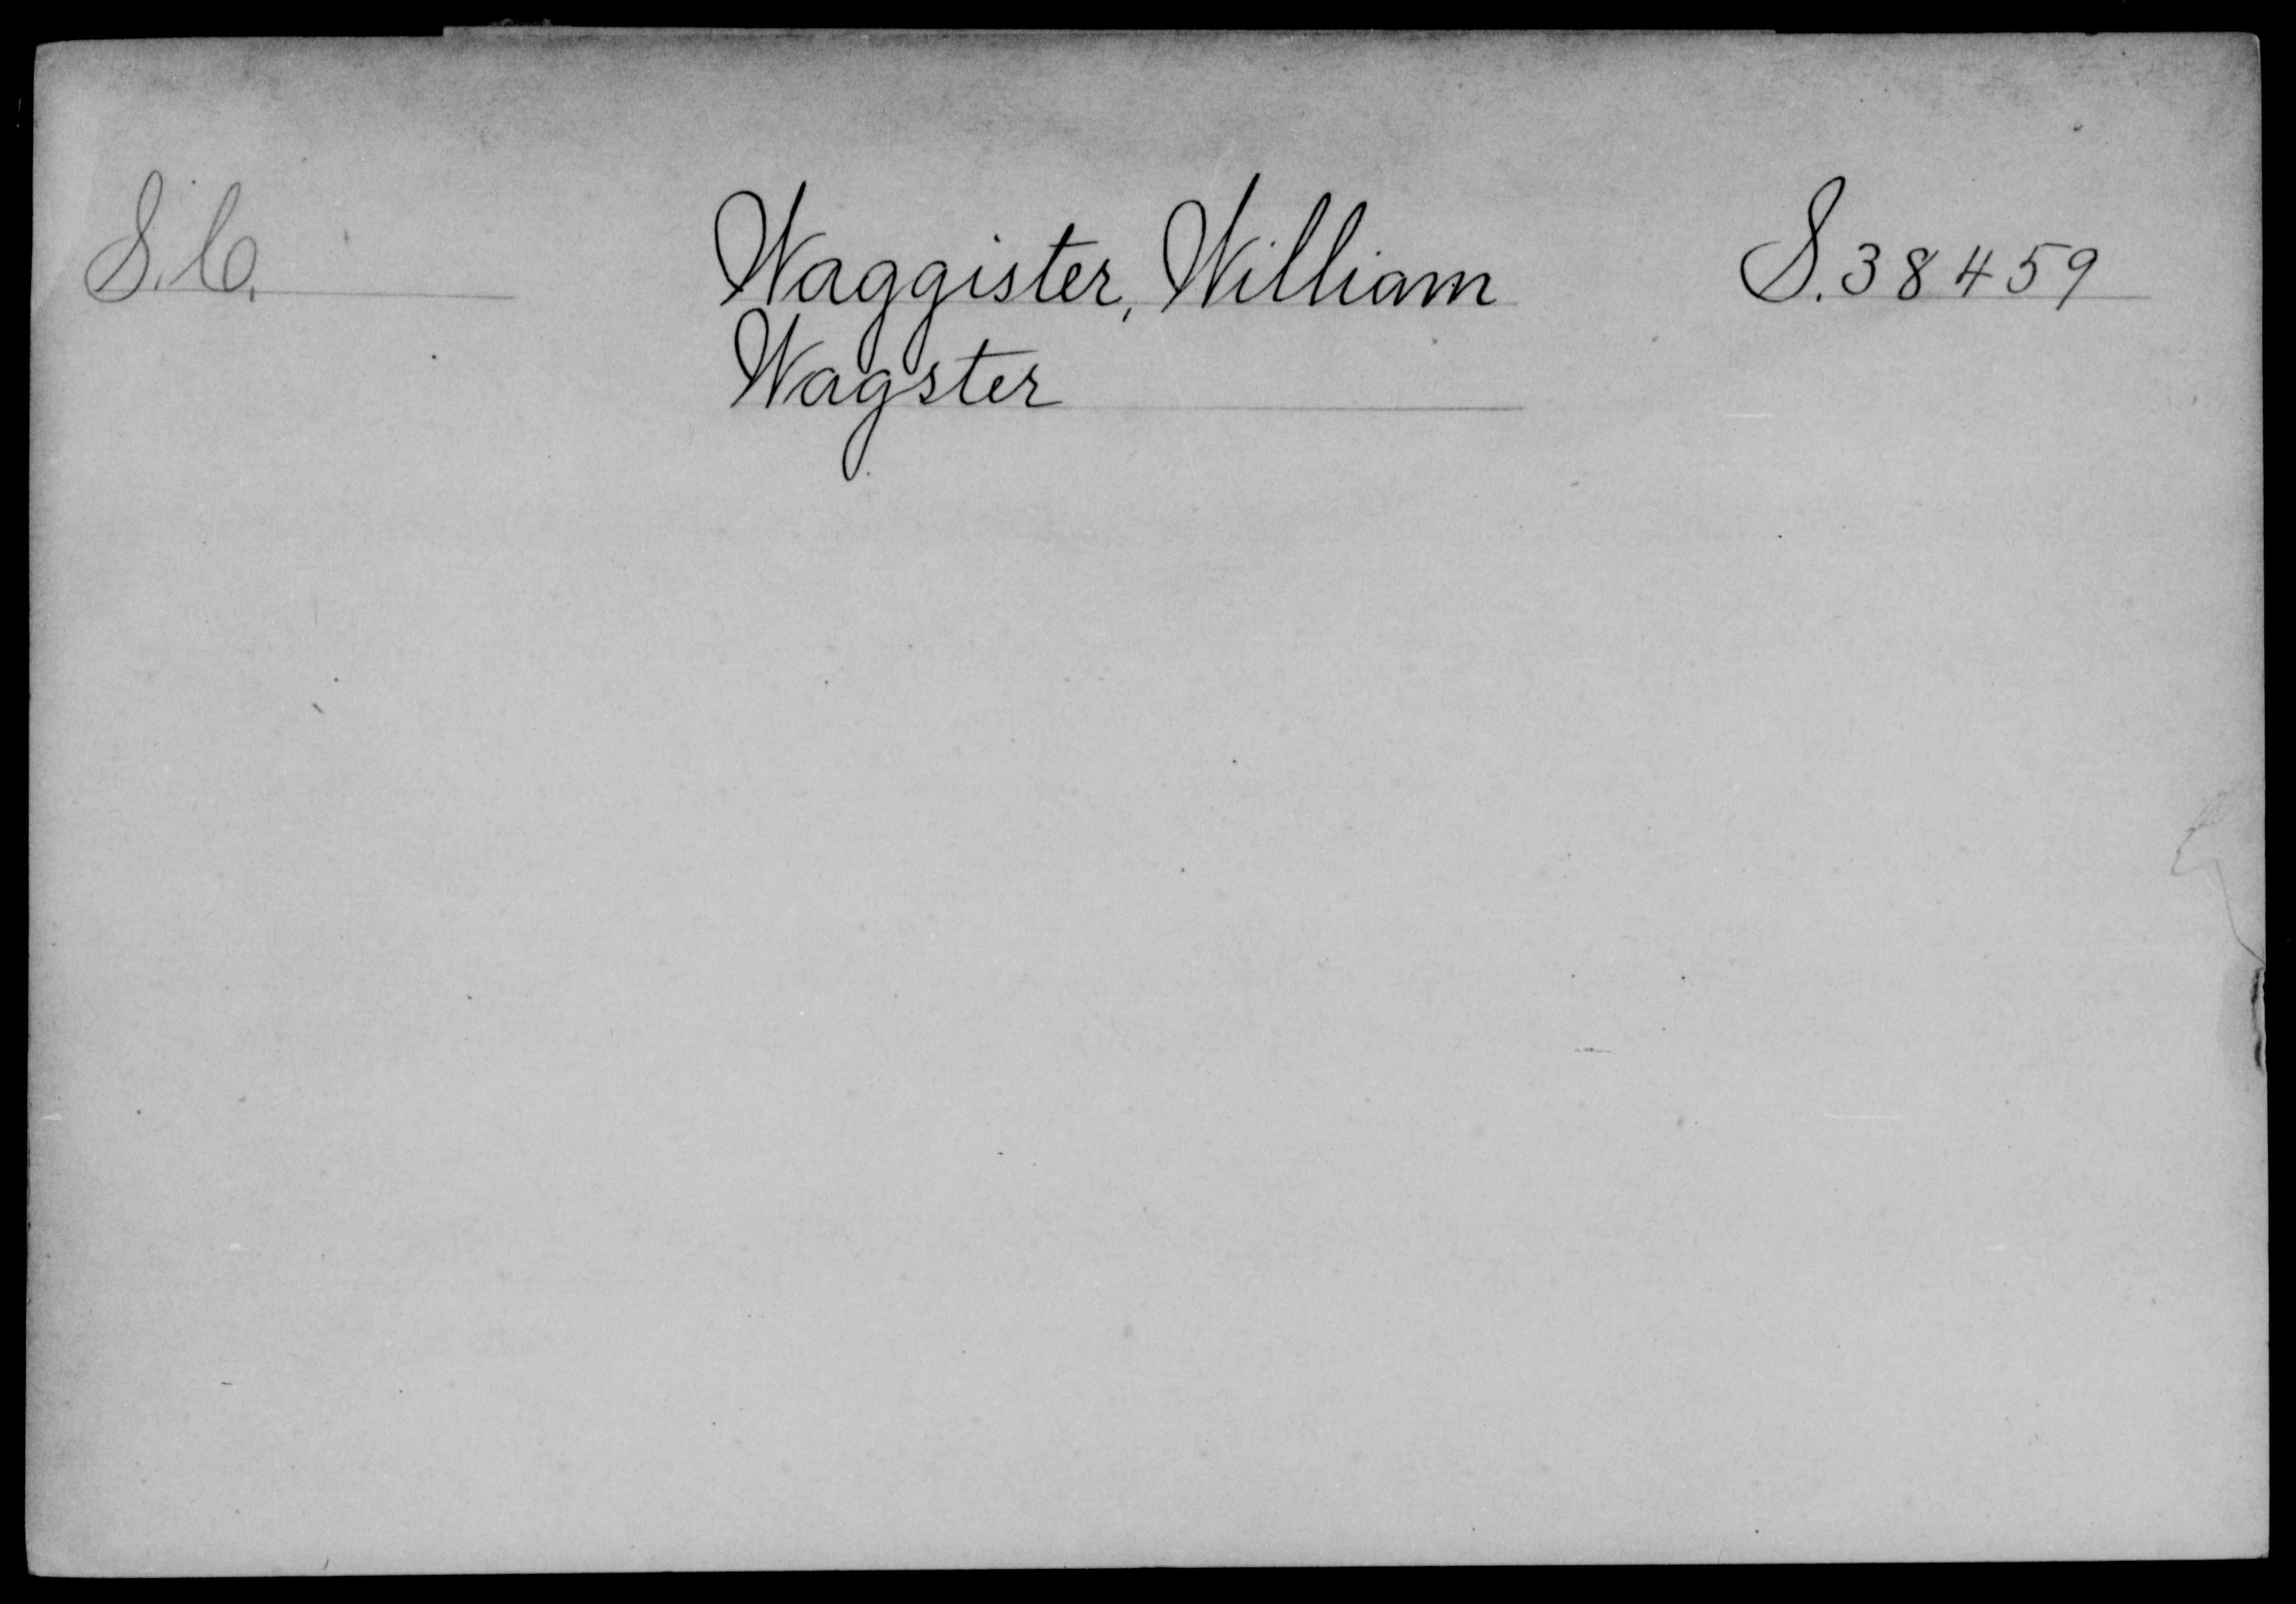S.C. | Waggister, William | S. 38459
Wagster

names: William Wagster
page: 1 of 1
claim: survivor's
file: S. 38459, William Waggister, S.C.